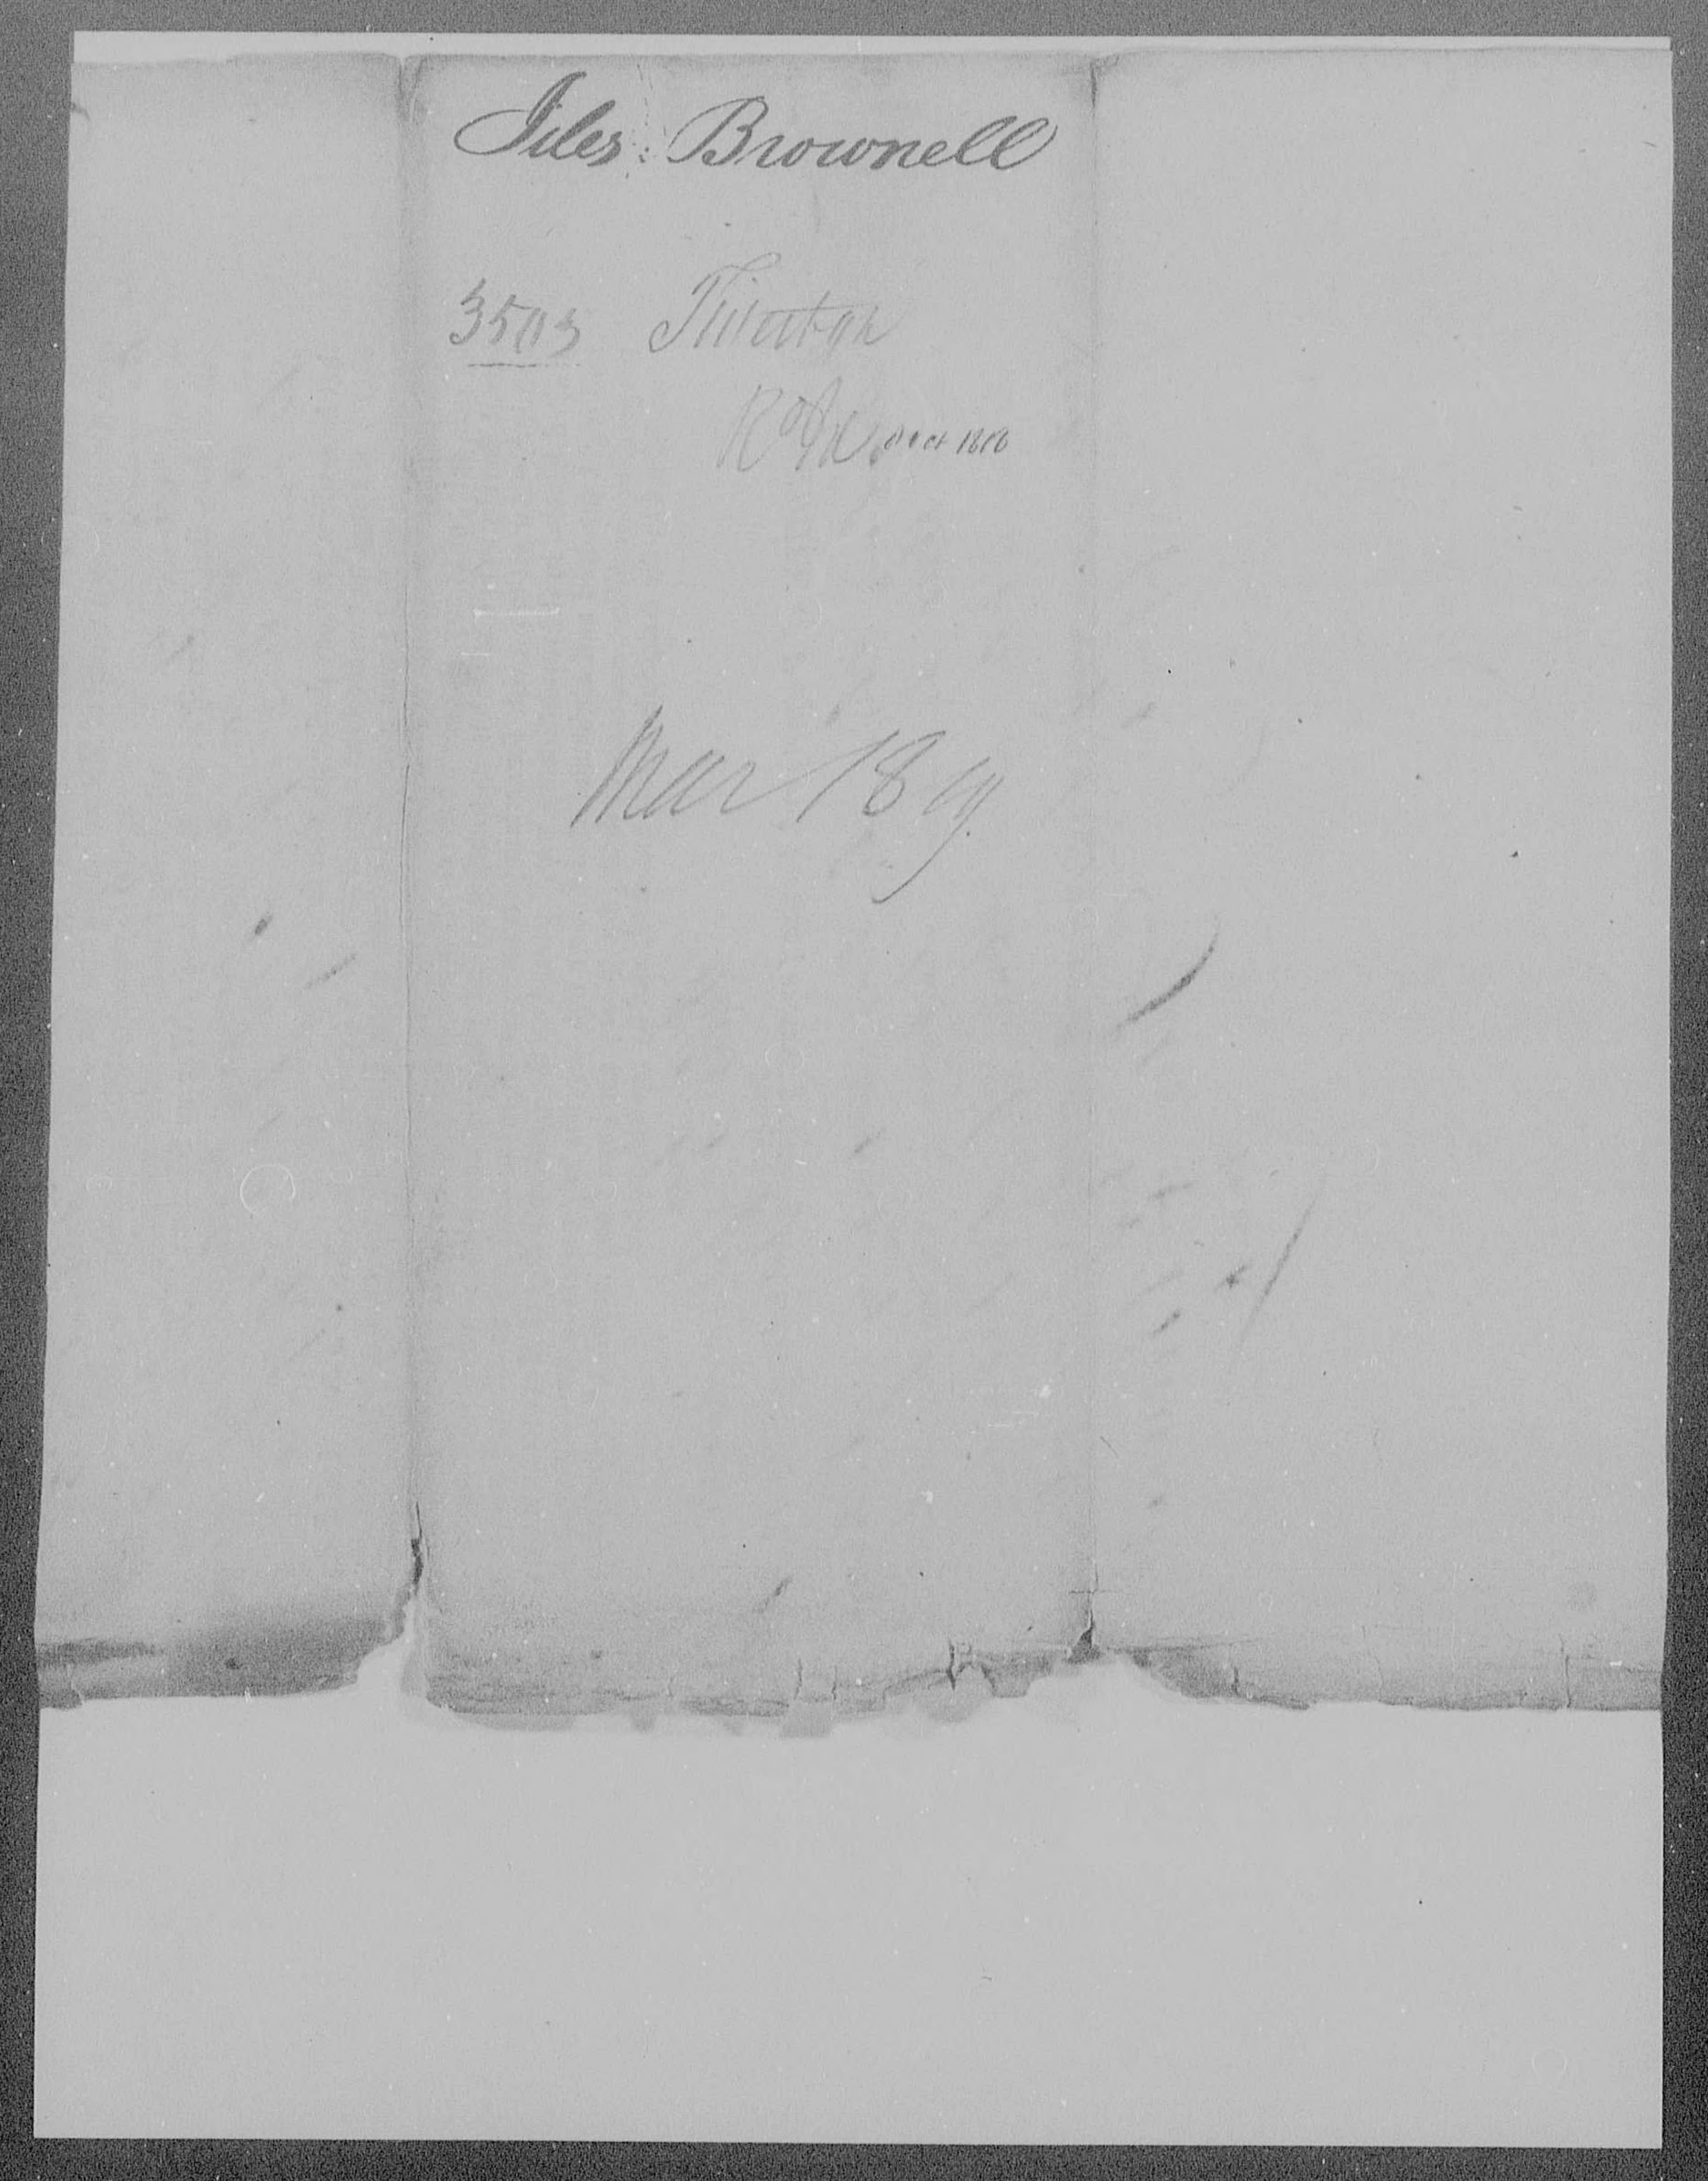Giles Brownell
3503 Tiverton
[illegible] Oct 1818

[illegible] 18 [illegible]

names: Jiles Brownell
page: 10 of 12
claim: survivor's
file: S. 38579, Giles Brownell, Continental (R.I.) Navy